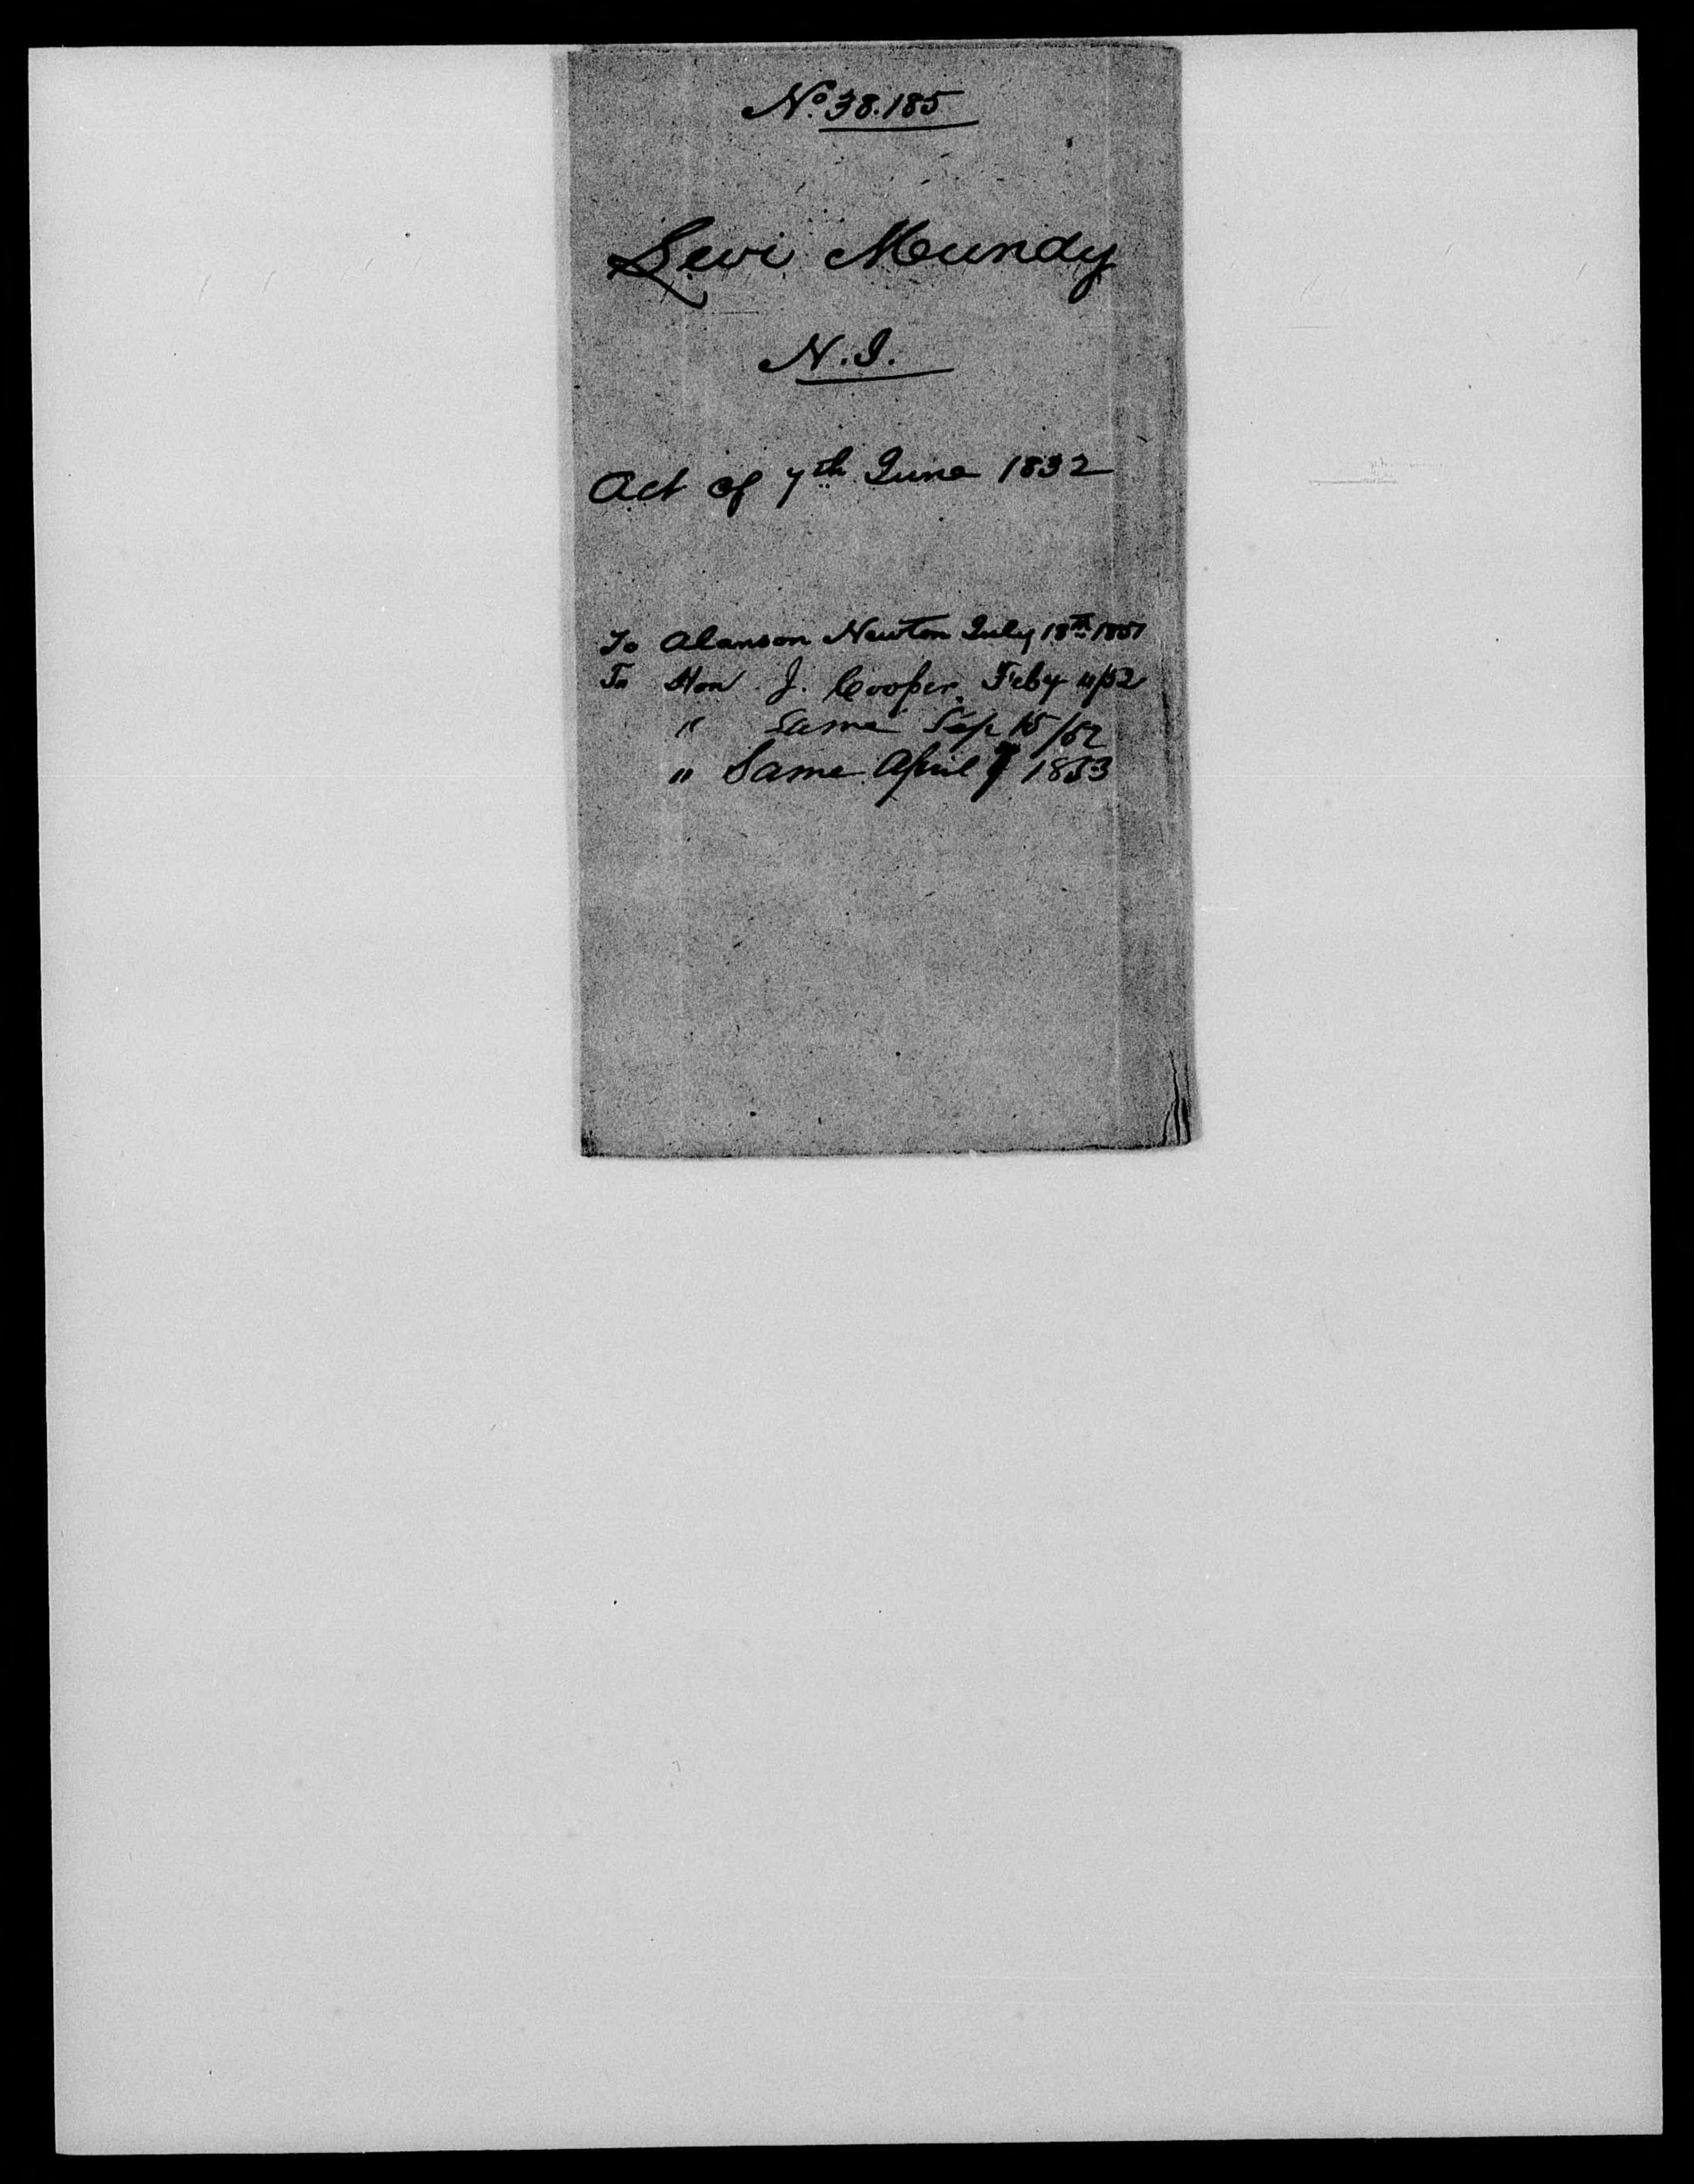No. 38,185
Levi Munday
N.J.

Act of 7th June 1832

To: Alanson Newton, July 18th 1851
To: Hon. J. Cooper, Feb. 4th 1852
(same) Sep. 15/'52
(same) April 7, 1853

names: J Cooper; Levi Mundy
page: 14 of 95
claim: survivor's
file: S 2889, for Levi Mundy, New Jersey